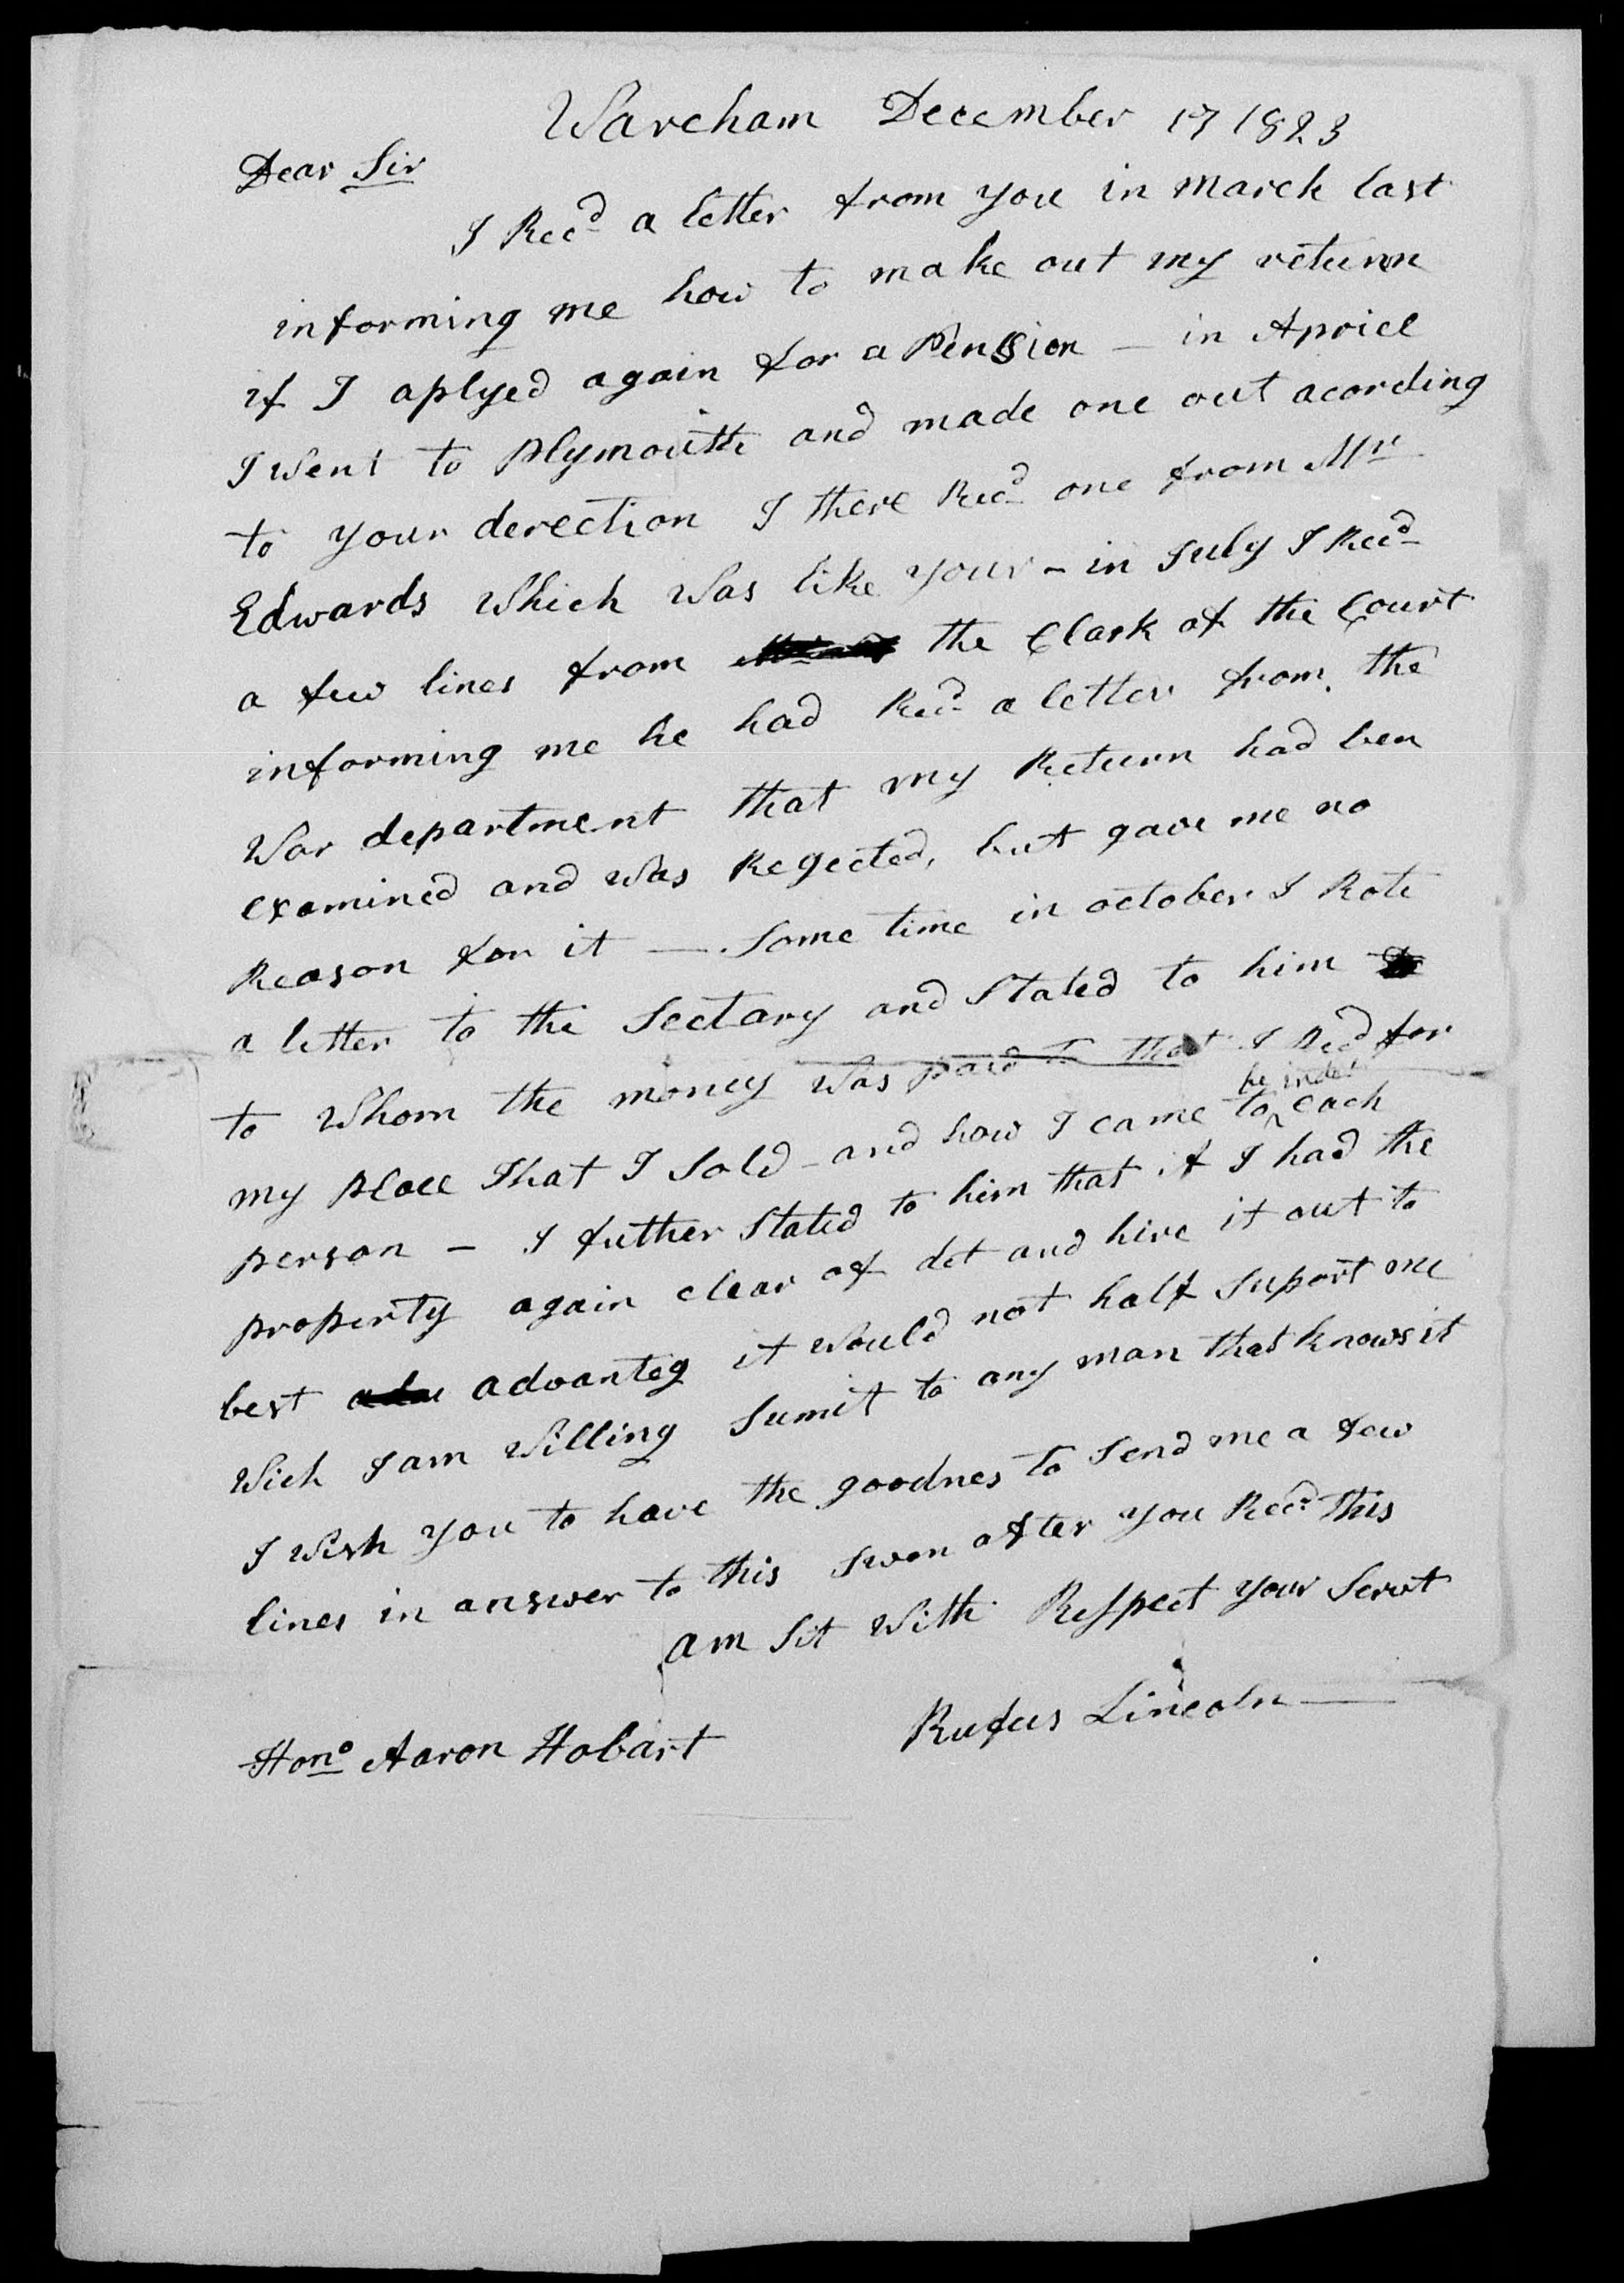Wareham   December 17 1823
Dear Sir
I Recd a letter from you in March last
informing me how to make out my return
if I aplyed again for a Pension_____in April
I went to Plymouth and made one out according to your direction- I there Recd one from Mr Edwards which was like your--
in July I Recd a few lines from the Clerk of the Court informing me he had Recd a letter from the War department that my return had been
examined and was rejected, but gave me no
Reason for it-- Some time in October I Rote
a letter to the Sectary and stated to him to
to whom the money was paid to that I recd for
my place that I sold-- and how I came to be in debt to each person - I further stated to him that if I had the property again clear of det and hire it out to best advantag it would not half suport me Wich I am Willing Sumit to any man that knows it-I wish you to have the goodness to send me a few lines in answer to this favor
after you Recd This am fit with.
 Respect Your Servnt,   Rufus Lincoln

Hon Aaron Hobart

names: Rufus Lincoln; Wm Edwards; Aaron Hobart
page: 61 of 82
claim: widow's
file: W. 13,634, for Rufus Lincoln, Massachusetts